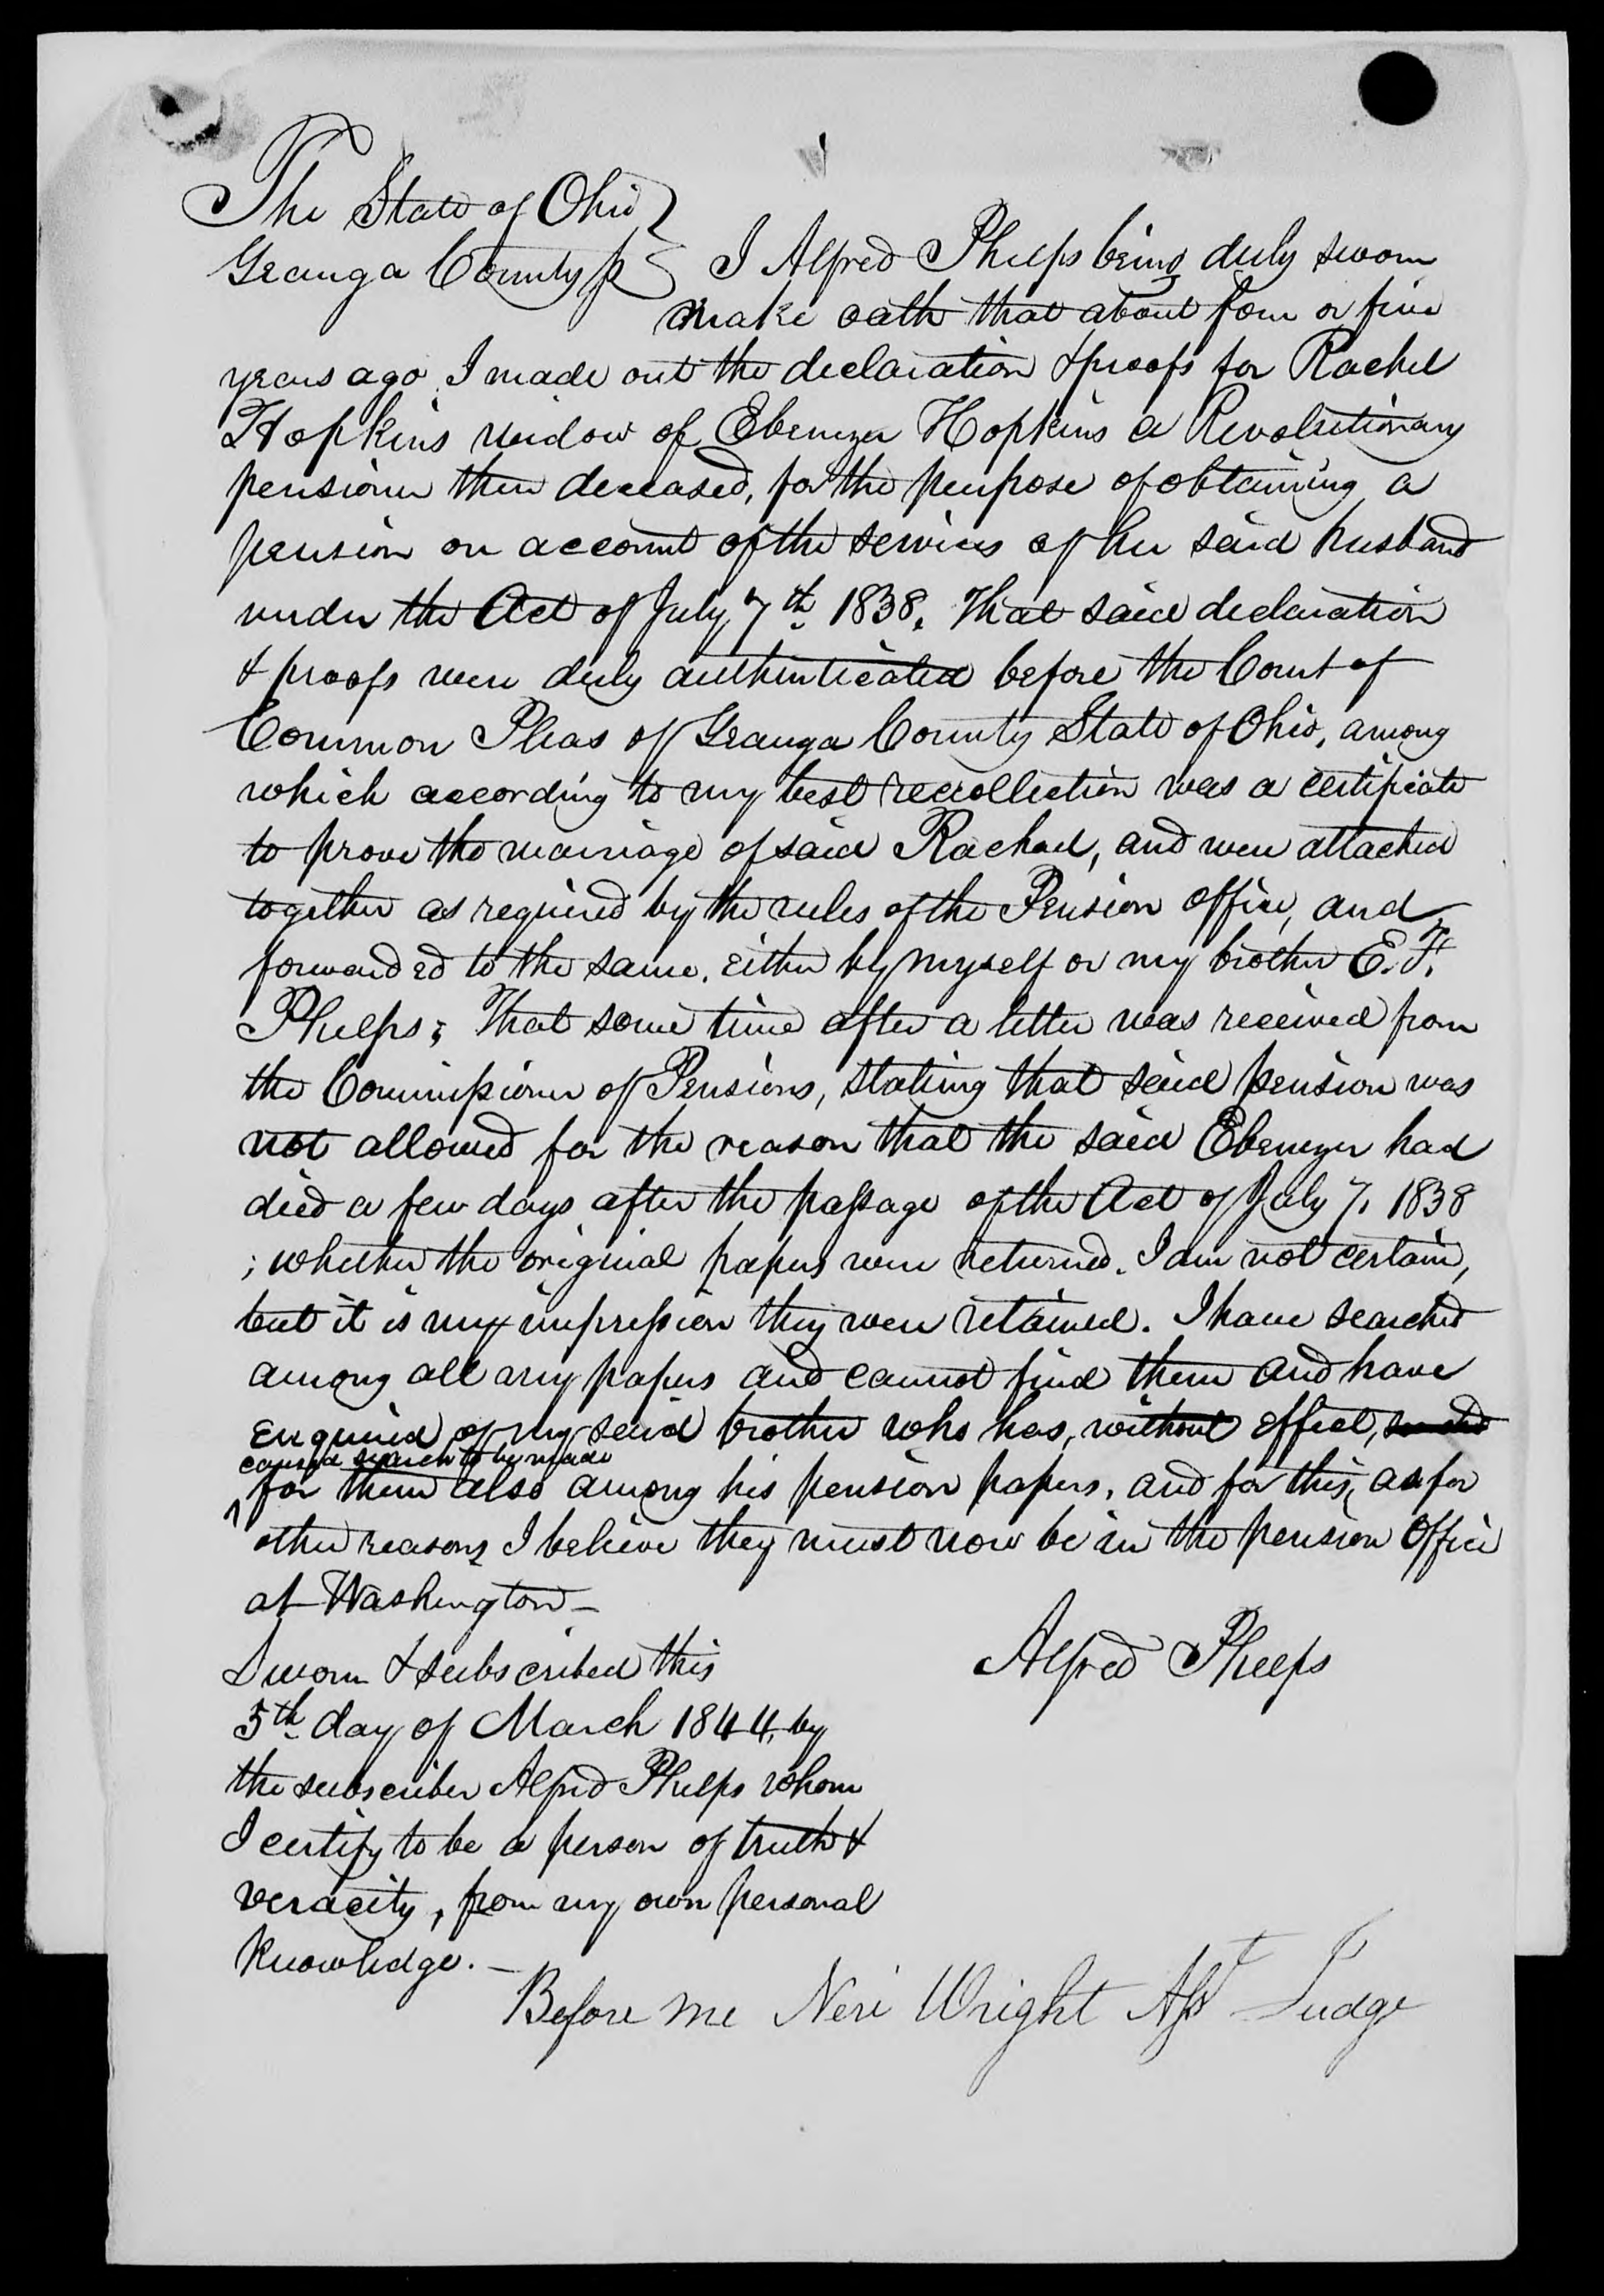The State of Ohio}
Geauga County}  I Alfred Phelps being duly sworn make oath that about four or five years ago I made out the declaration & proofs for Rachel Hopkins widow of Ebenezer Hopkins a Revolutionary pensioner then deceased, for the purpose of obtaining a pension on account of the services of her said husband under the Act of July 7th 1838. That said declaration & proofs were duly authenticated before the Court of Common Pleas of Geauga County State of Ohio, among which according to my best reccollection was a certificate to prove the marriage of said Rachael, and were attached together as required by the rules of the Pension Office, and forwarded to the same either by myself or my brother E. F. Phelps; That some time after a letter was received from the Commissioner of Pensions, stating that said pension was not allowed for the reason that the said Ebenezer had died a few days after the passage of the Act of July 7, 1838; whether the original papers were returned. I am not certain, but it is my impression they were retained. I have searched among all my papers and cannot find them and have enquired of my said brother who has without effect caused search to be made for them also among his pension papers, and for this, as for other reasons I believe they must now be in the pension Office at Washington
Sworn & subscribed this       Alfred Phelps
5th day of March 1844, by
the subscriber Alfred Phelps whom
I certify to be a person of truth &
veracity, from my own personal
knowledge.
Before me Neri Wright Asst Judge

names: Neri Wright, E F Phelps, Ebenezer Hopkins, Alfred Phelps, Rachel Hopkins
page: 123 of 144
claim: rejected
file: R. 5208, Dennis Hopkins, N.C.